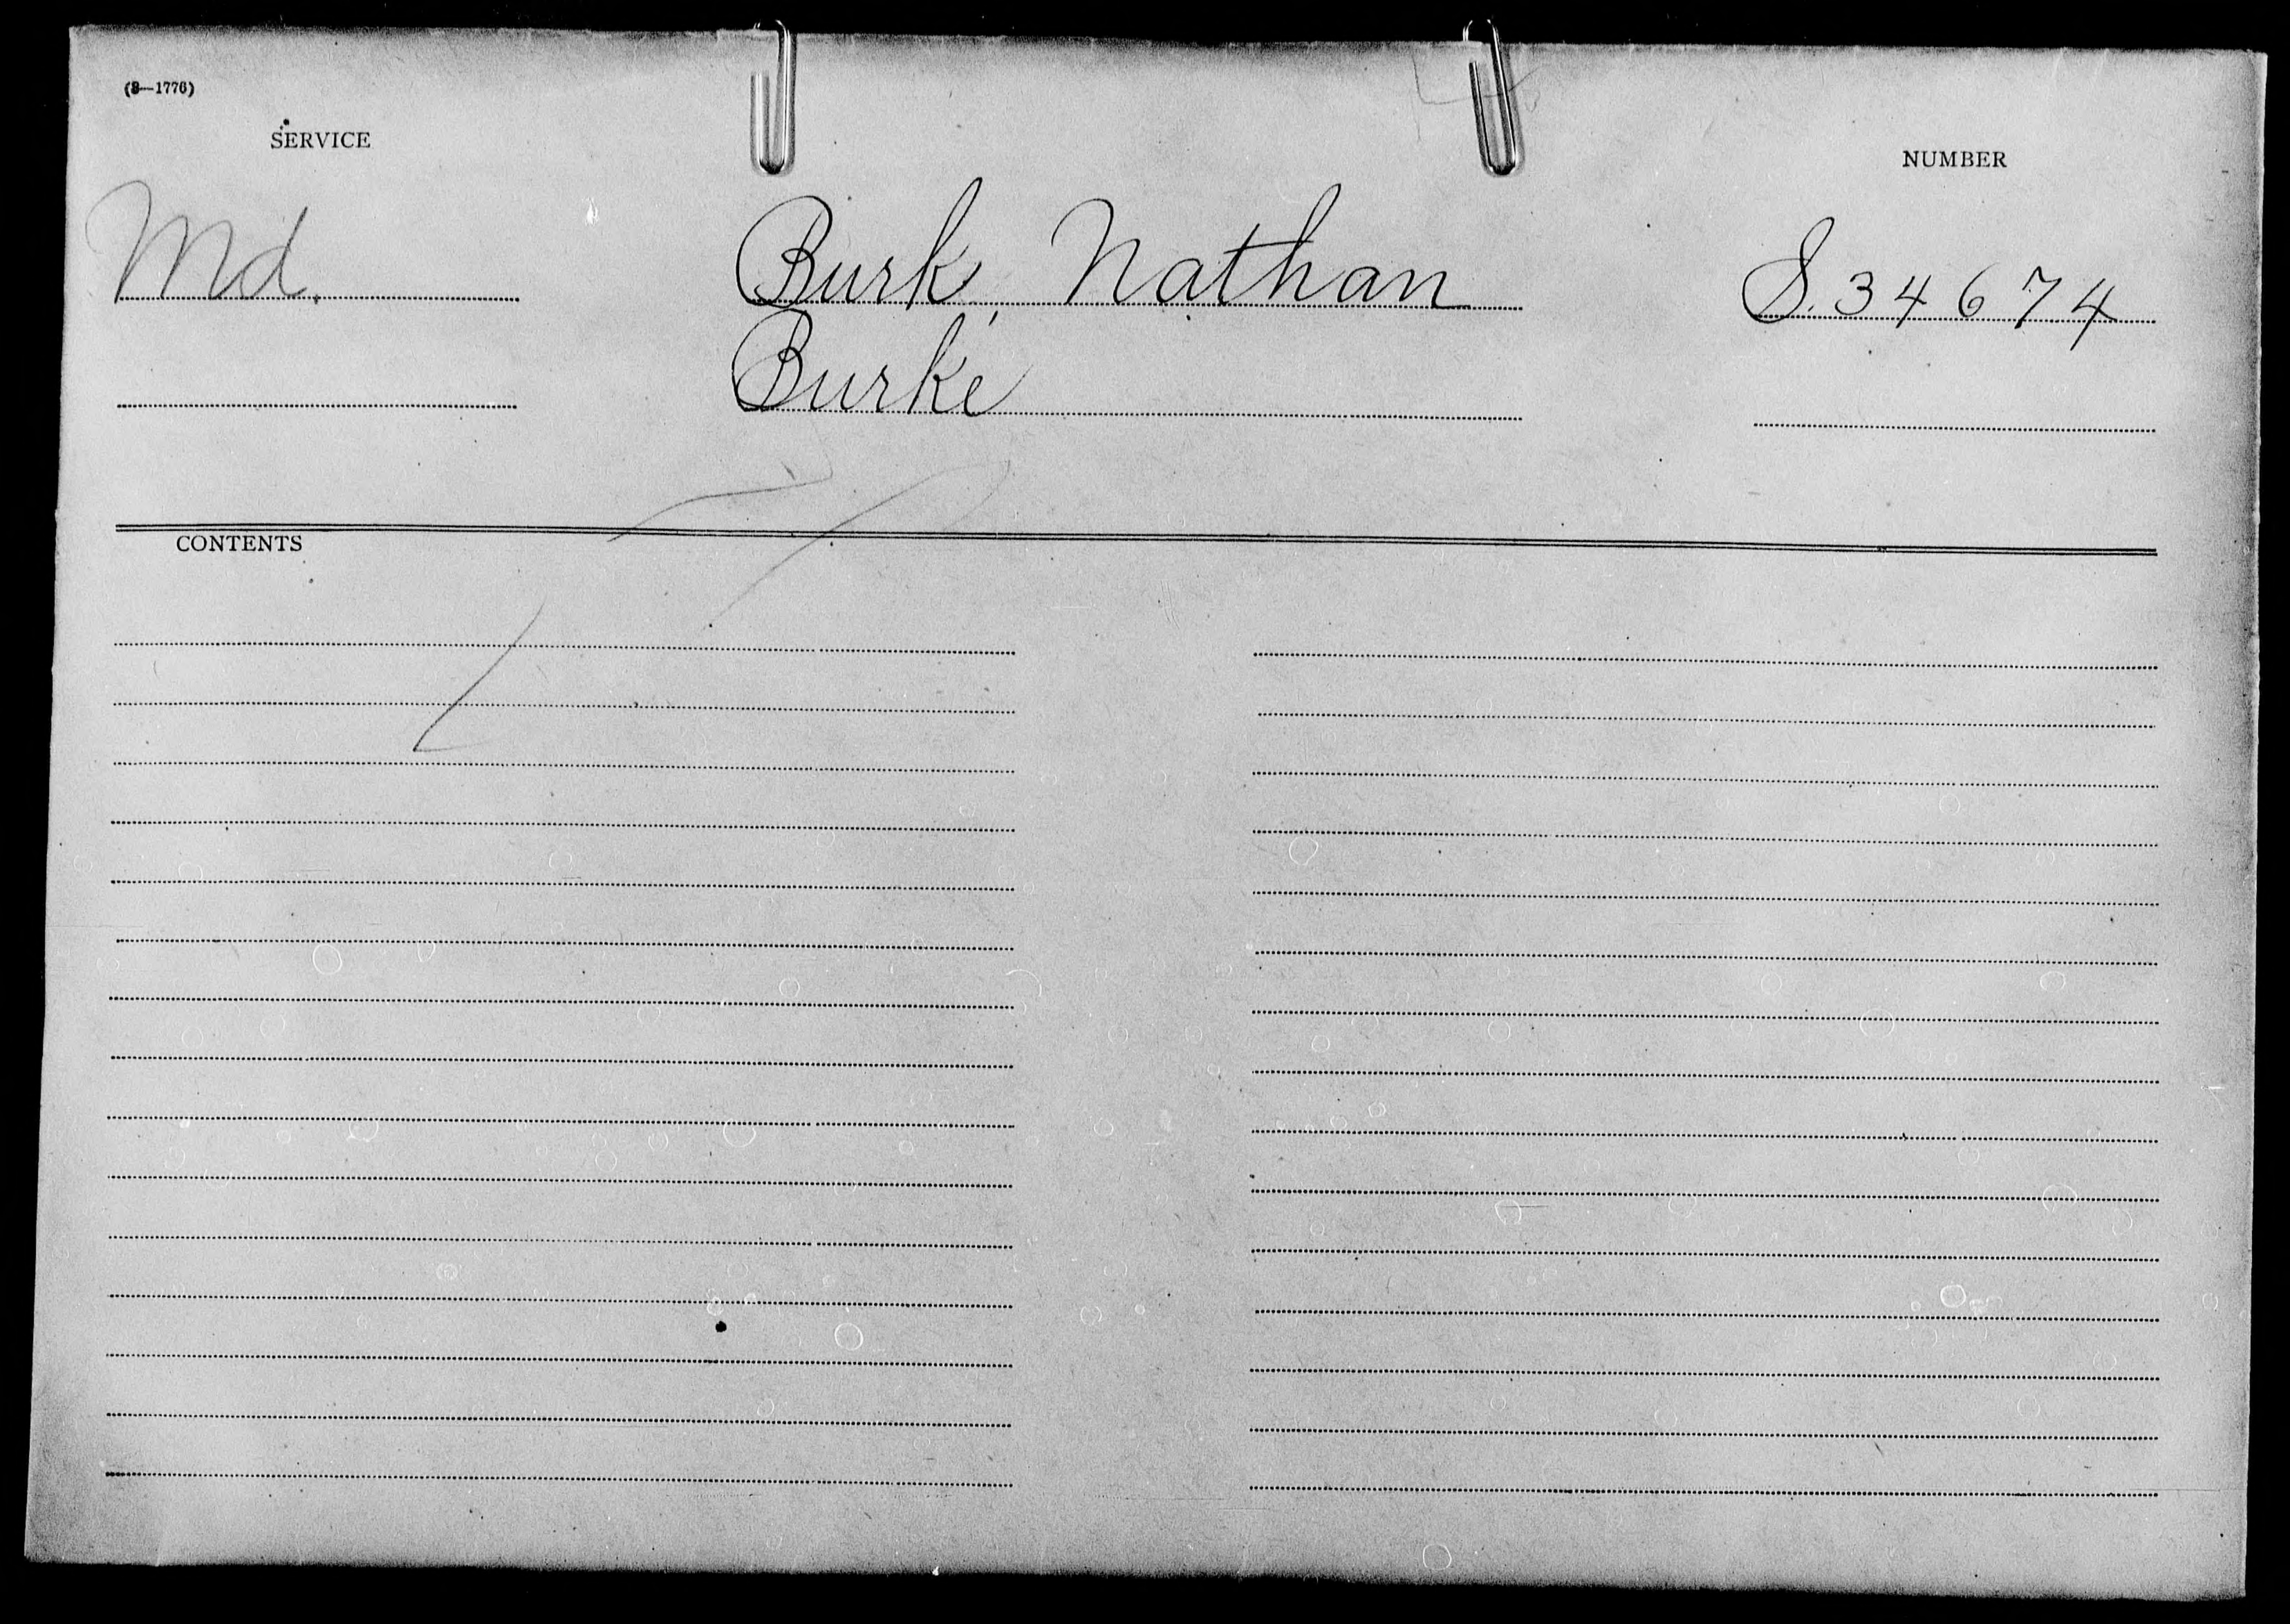S-1776

Service: MD


Burk, Nathan
Burke

Number: S34674

CONTENTS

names: Nathan Burke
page: 1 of 20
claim: survivor's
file: S. 34674, Nathan Burk, Md.